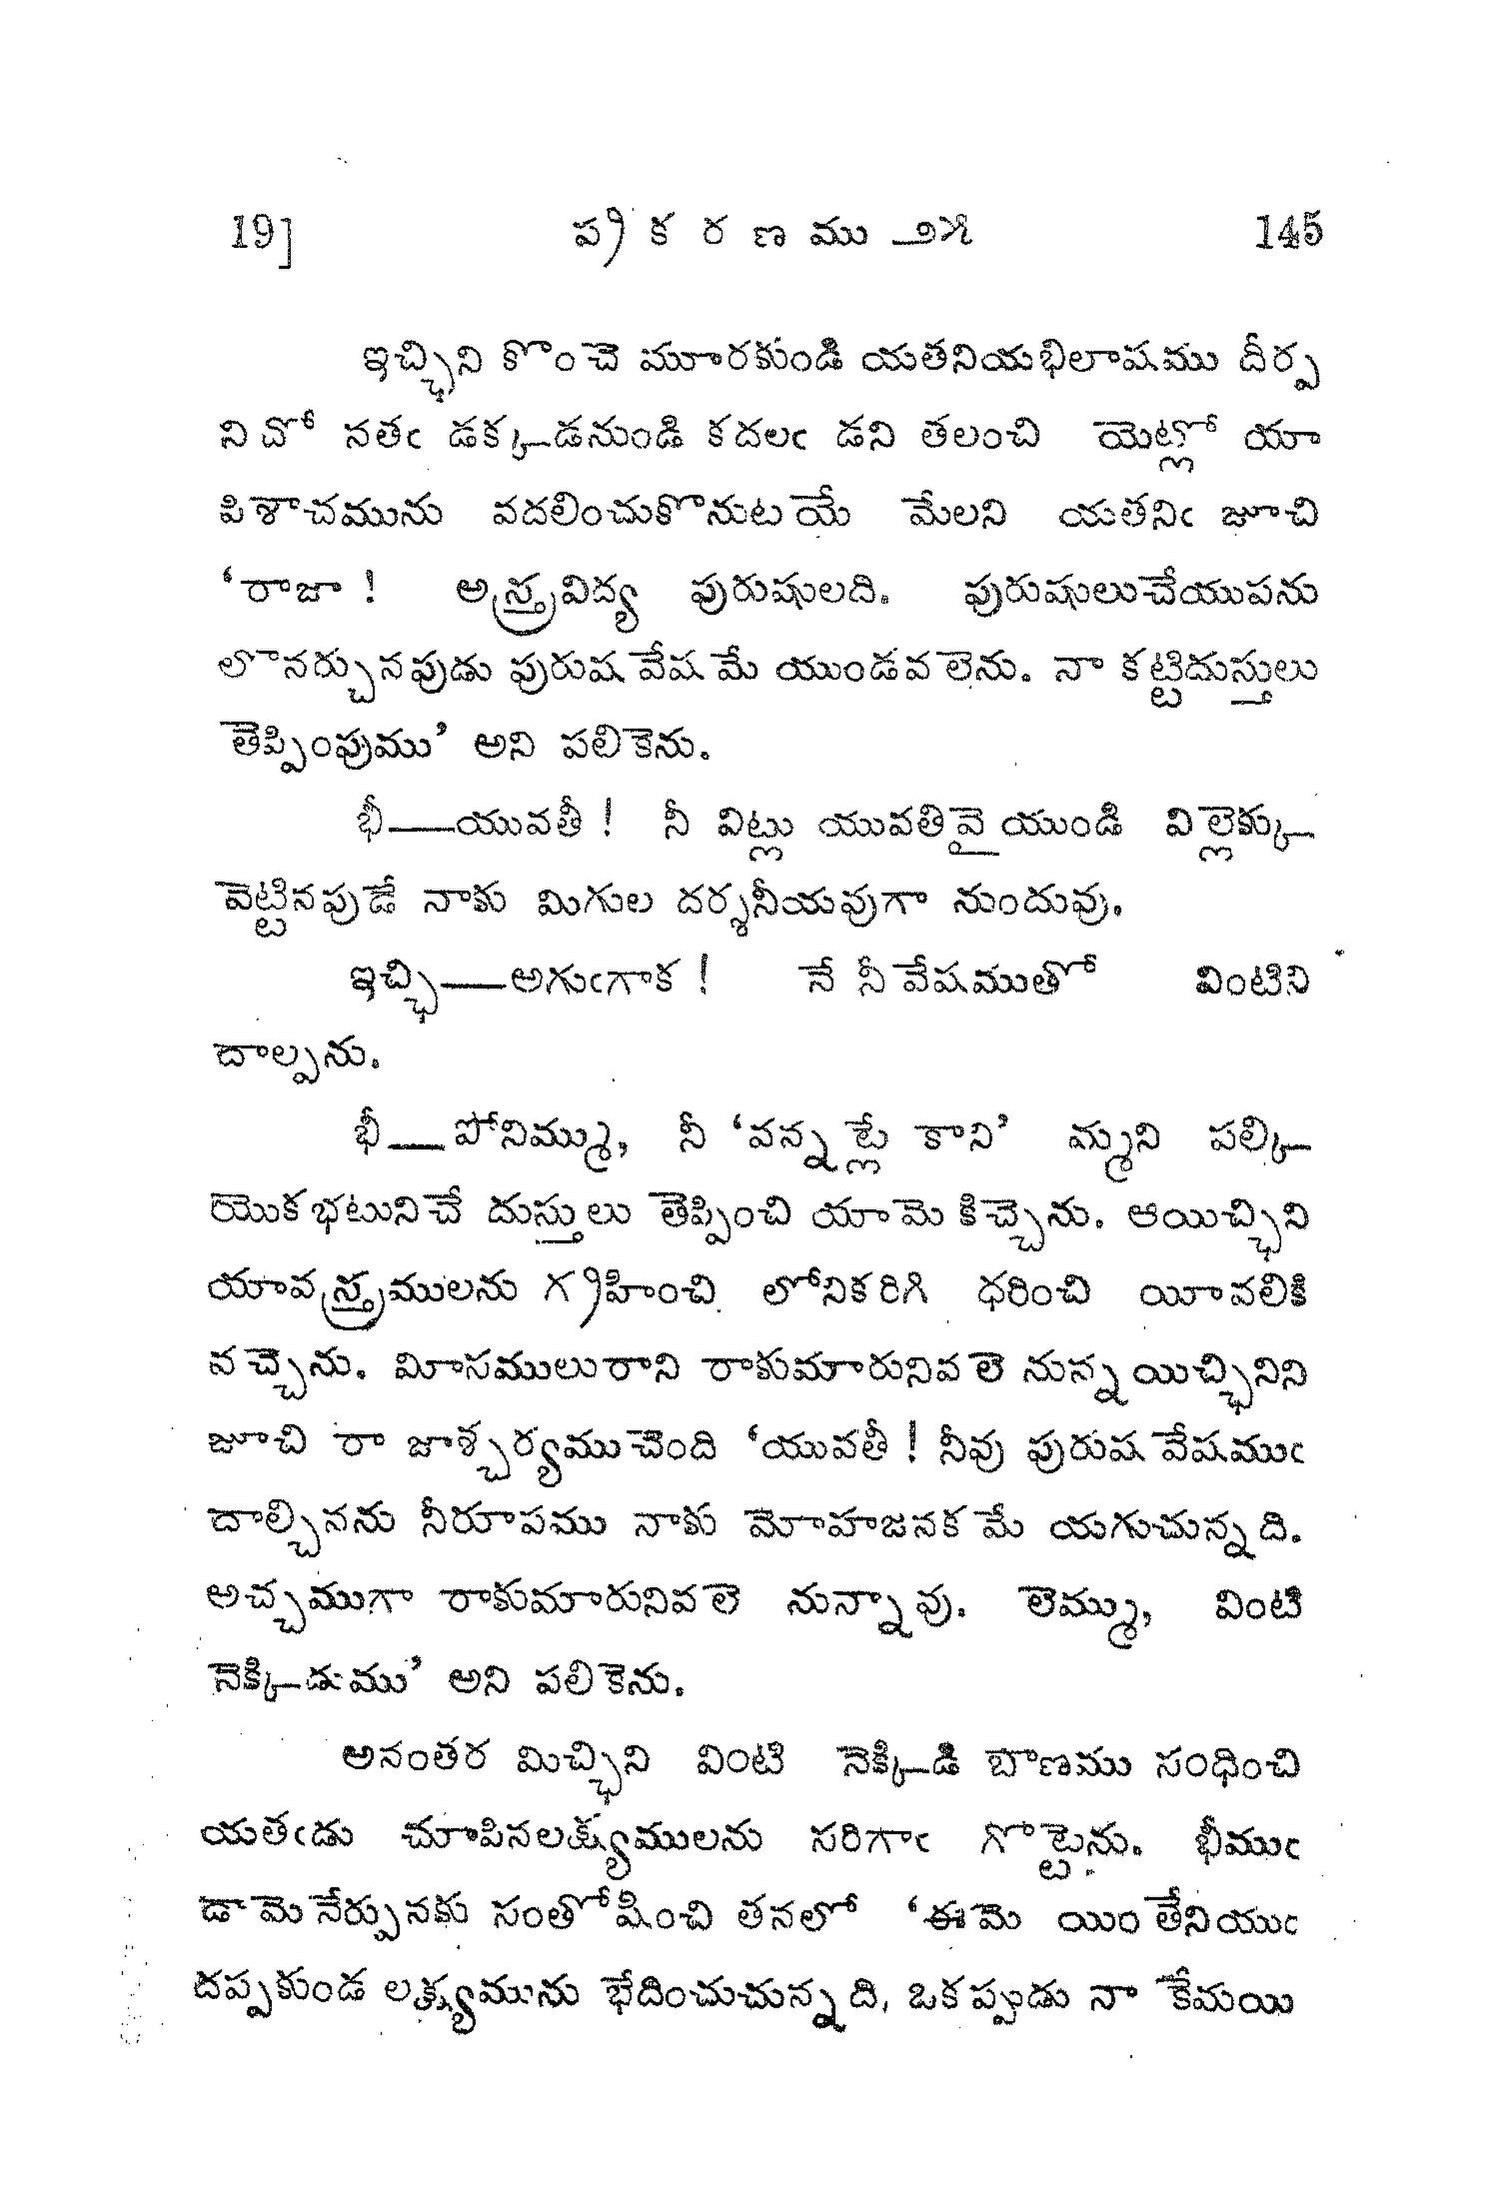ఇచ్ఛిని కొంచె మూరకుండి యతనియభిలాషము దీర్ప
నిచో నతఁ డక్కడనుండి కదలఁ డని తలంచి యెట్లో యా
పిశాచమును వదలించుకొనుట యే మేలని యతనిఁ జూచి
“ రాజా! అస్త్ర విద్య పురుషులది. పురుషులు చేయుపను
లొనర్చునపుడు పురుష వేష మే యుండవలెను. నా కట్టిదుస్తులు
తెప్పింపుము' అని పలికెను.

భీ: __యువతీ ! నీవిట్లు యువతి వై
యుండి విల్లెక్కు
వెట్టిన పుజీ నాకు మిగుల దర్శనీయవుగా నుందువు,
ఇచ్చి: అగుగాక నే నీ వేషముతో వింటిని దాల్పను.

భీ - పోనిమ్ము, నీ 'వన్నట్లే కాని' మ్మని పల్కి
యొక భటుని చే దుస్తులు తెప్పించి యామె కిచ్చెను. ఆయిచ్ఛిని
యావస్త్రములను గ్రహించి లోనిక రిగి ధరించి యీవలికి
నచ్చెను, మీసములు రాని రాకుమారునివలె నున్న యిచ్ఛినిని
జూచి రా జాశ్చర్యము చెంది “యువతీ ! నీవు పురుష వేషముఁ
దాల్చినను నీరూపము నాకు మోహజనక మే యగుచున్నది.
అచ్చముగా రాకుమారునివలె నున్నావు. లెమ్ము, వింటి
నెక్కిడుము' అని పలికెను.

అనంతర మిచ్ఛిని వింటి నెక్కిడి బాణము సంధించి
యతఁడు చూపినలక్ష్యములను సరిగా గొట్టెను. భీముఁ
డామె నేర్పునకు సంతోషించి తనలో “ఈమె యిం తేనియు
దప్పకుండ లక్ష్యమును భేదించుచున్నది. ఒకప్పుడు నా కేమయి